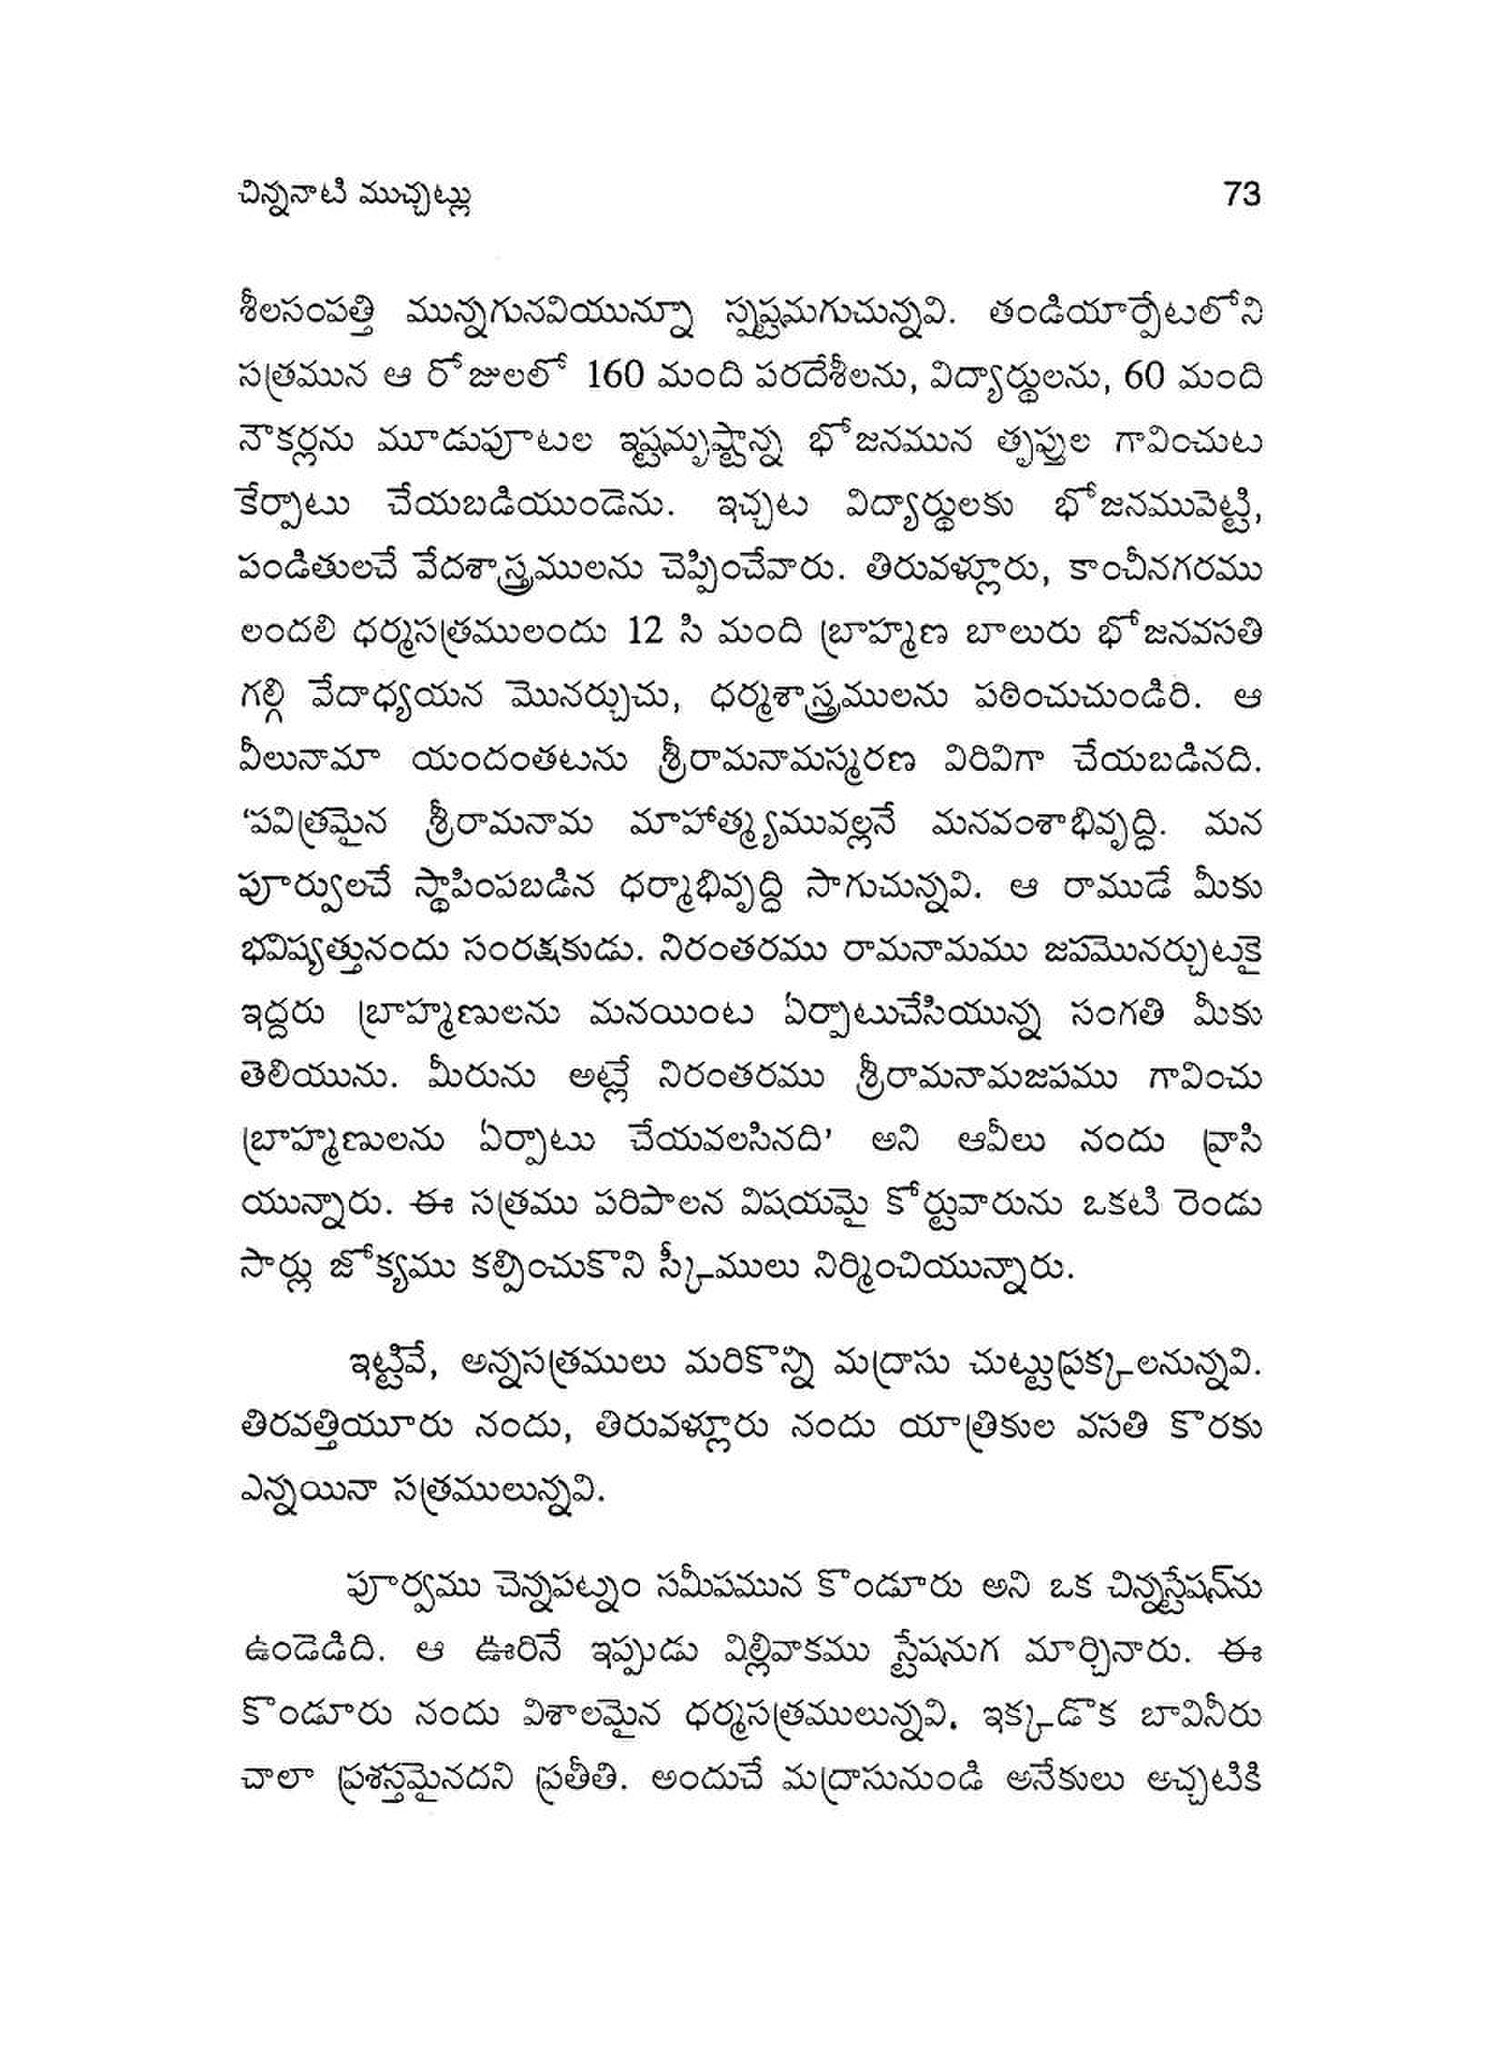శీలసంపత్తి మున్నగునవియున్నూ స్పష్టమగుచున్నవి. తండియార్పేటలోని సత్రమున ఆ రోజులలో 160 మంది పరదేశీలను, విద్యార్ధులను, 60 మంది నౌకర్లను మూడుపూటల ఇష్టమృష్టాన్న భోజనమున తృప్తుల గావించుట కేర్పాటు చేయబడియుండెను. ఇచ్చట విద్యార్థులకు భోజనముపెట్టి, పండితులచే వేదశాస్త్రములను చెప్పించేవారు. తిరువళ్ళూరు, కాంచీనగరము లందలి ధర్మసత్రములందు 12 సి మంది బ్రాహ్మణ బాలురు భోజనవసతి గల్గి వేదాధ్యయన మొనర్చుచు, ధర్మశాస్త్రములను పఠించుచుండిరి. ఆ వీలునామా యందంతటను శ్రీరామనామస్మరణ విరివిగా చేయబడినది. పవిత్రమైన శ్రీరామనామ మాహాత్మ్యమువల్లనే మనవంశాభివృద్ధి. మన పూర్వులచే స్థాపింపబడిన ధర్మాభివృద్ది సాగుచున్నవి. ఆ రాముడే మీకు భవిష్యత్తునందు సంరక్షకుడు. నిరంతరము రామనామము జపమొనర్చుటకై ఇద్దరు బ్రాహ్మణులను మనయింట ఏర్పాటుచేసియున్న సంగతి మీకు తెలియును. మీరును అట్లే నిరంతరము శ్రీరామనామజపము గావించు బ్రాహ్మణులను ఏర్పాటు చేయవలసినది' అని ఆవీలు నందు వ్రాసి యున్నారు. ఈ సత్రము పరిపాలన విషయమై కోర్టువారును ఒకటి రెండు సార్లు జోక్యము కల్పించుకొని స్కీములు నిర్మించియున్నారు.

ఇట్టివే, అన్నసత్రములు మరికొన్ని మద్రాసు చుట్టుప్రక్కలనున్నవి. తిరవత్తియూరు నందు, తిరువళ్ళూరు నందు యాత్రికుల వసతి కొరకు ఎన్నయినా సత్రములున్నవి.

పూర్వము చెన్నపట్నం సమీపమున కొండూరు అని ఒక చిన్నస్టేషన్ ను ఉండెడిది. ఆ ఊరినే ఇప్పుడు విల్లివాకము స్టేషనుగ మార్చినారు. ఈ కొండూరు నందు విశాలమైన ధర్మసత్రములున్నవి. ఇక్కడొక బావినీరు చాలా ప్రశస్త్రమైనదని ప్రతీతి. అందుచే మద్రాసునుండి అనేకులు అచ్చటికి